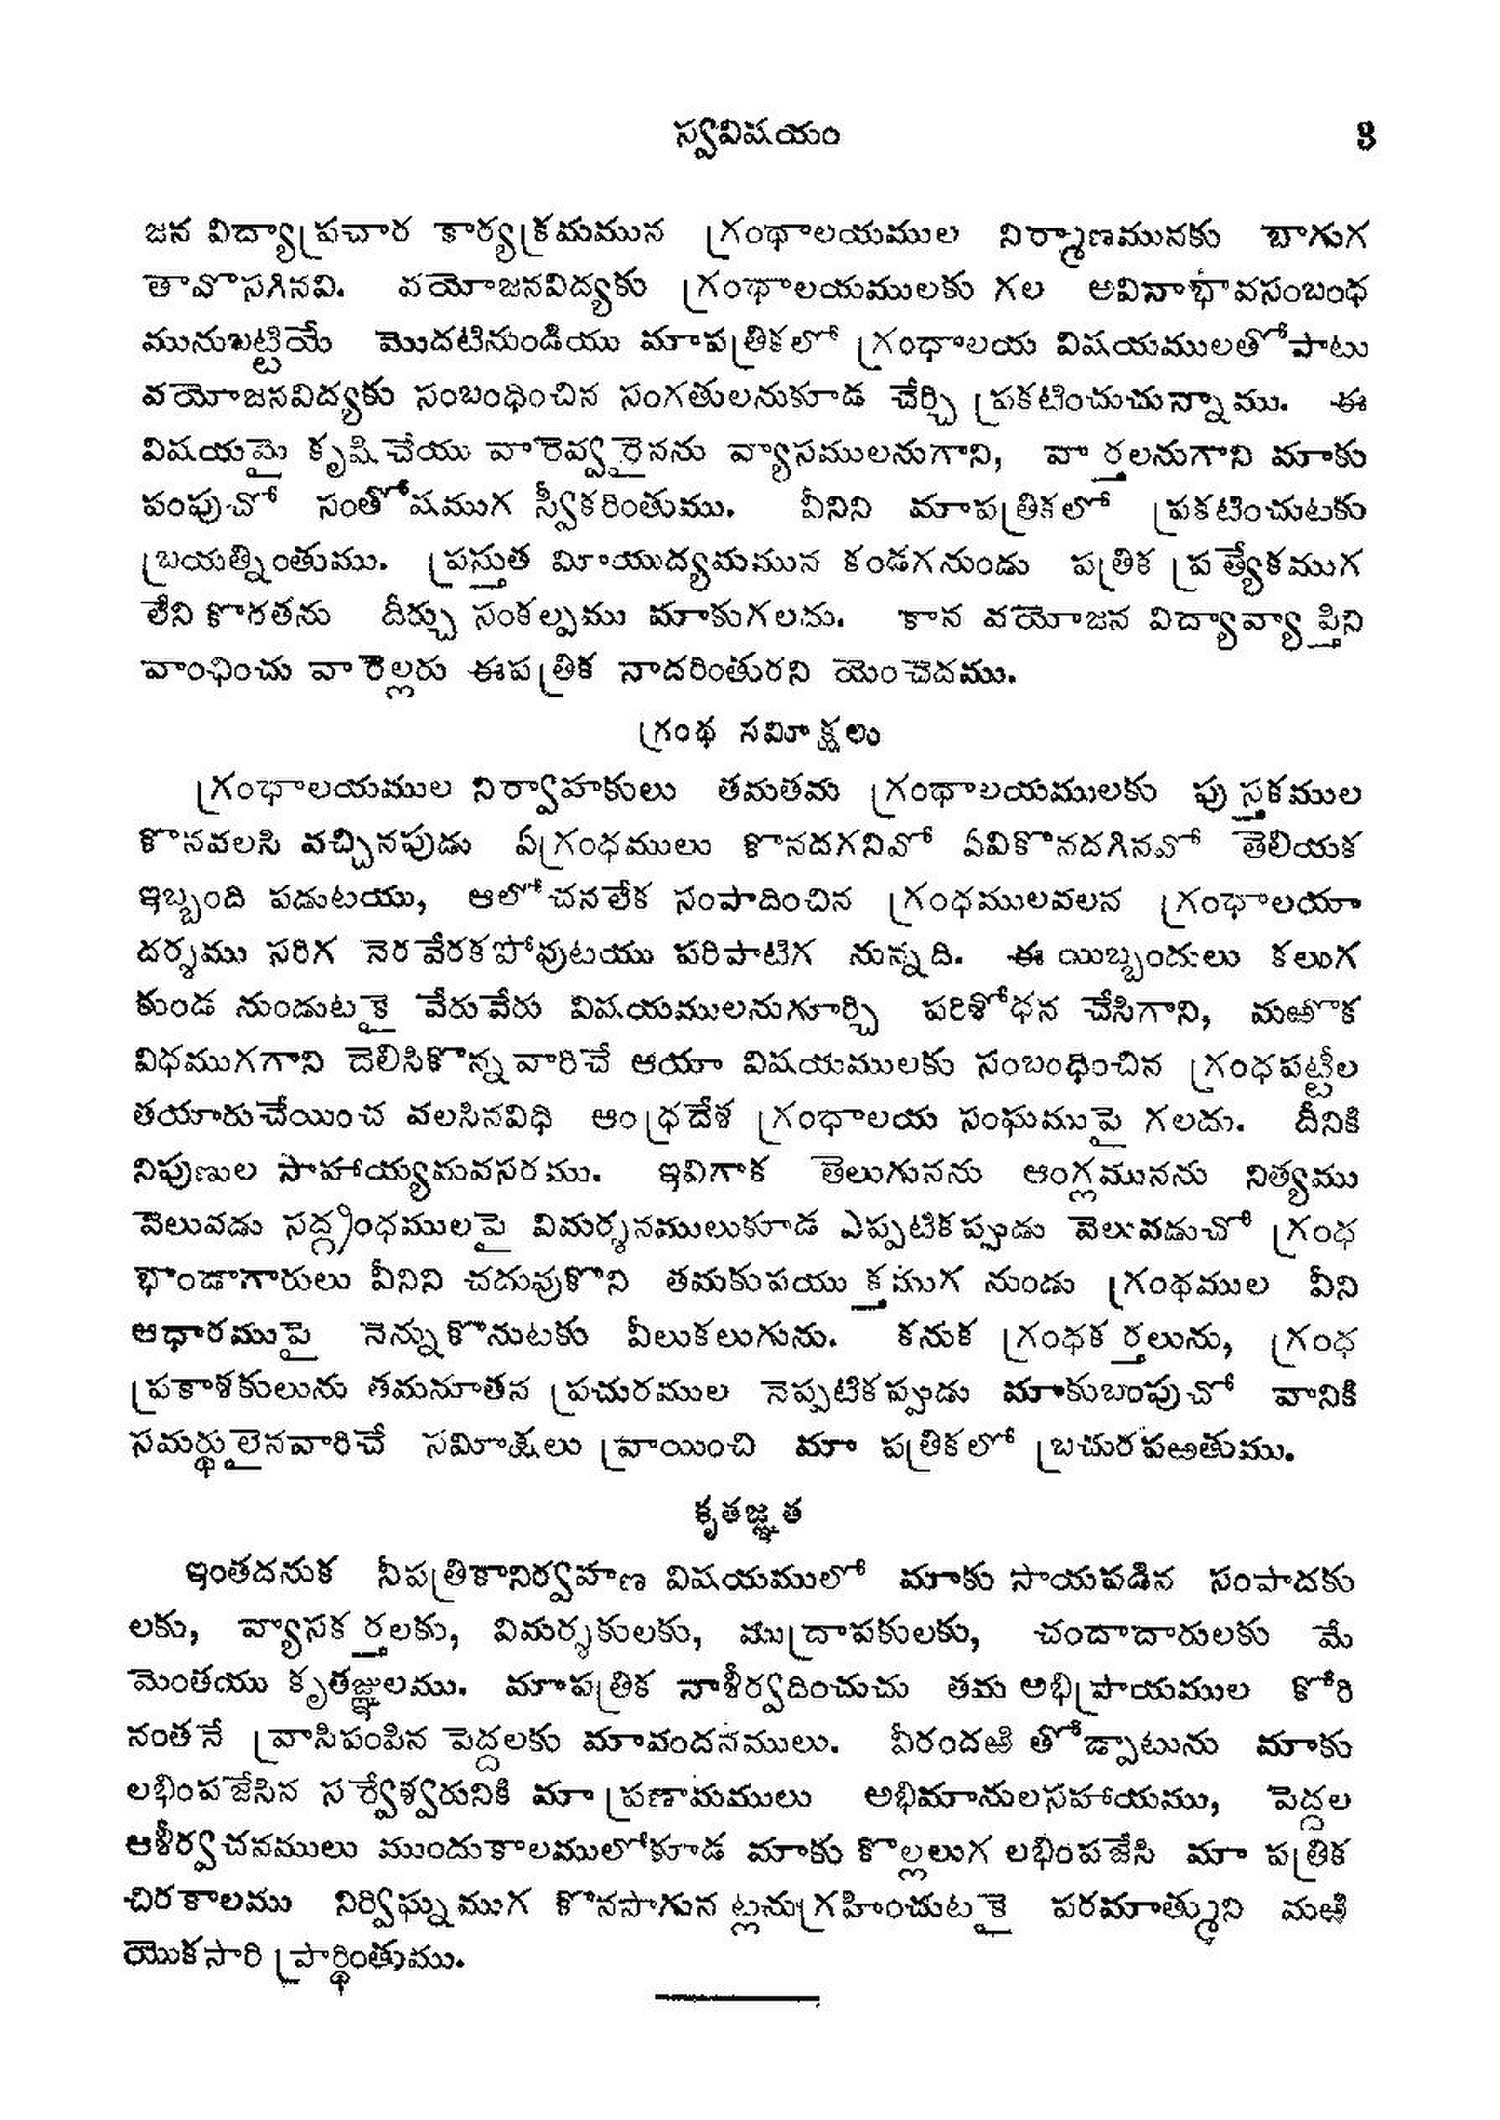జన విద్యాప్రచార కార్యక్రమమున గ్రంథాలయముల నిర్మాణమునకు బాగుగ
తావొసగినవి. వయోజనవిద్యకు గ్రంథాలయములకు గల అవినాభావసంబంధ
మునుబట్టియే మొదటినుండియు మాపత్రికలో గ్రంథాలయ విషయములతోపాటు
వయోజన విద్యకు సంబంధించిన సంగతులనుకూడ చేర్చి ప్రకటించుచున్నాము. ఈ
విషయమై కృషి చేయు వారెవ్వరైనను వ్యాసములనుగాని, వార్తలనుగాని మాకు
పంపుచో సంతోషముగ స్వీకరింతుము. వీనిని మాపత్రికలో ప్రకటించుటకు
బ్రయత్నింతుము. ప్రస్తుత మీ యుద్యమమున కండగ నుండు పత్రిక ప్రత్యేకముగ
లేని కొరతను దీర్చు సంకల్పము మాకు గలదు. కాన వయోజన విద్యావ్యా ప్తిని
వాంఛించు వారెల్లరు ఈపత్రిక నాదరింతురని యెంచెదము.

గ్రంధాలయముల నిర్వాహకులు తమతమ గ్రంథాలయములకు పుస్తకముల
కొనవలసి వచ్చినపుడు ఏగ్రంధములు కొనదగనిలో ఏవికొనదగినవో తెలియక
ఇబ్బంది పడుటయు, ఆలోచనలేక సంపాదించిన గ్రంధములవలన గ్రంధాలయా
దర్శము సరిగ నెర వేరకపోవుటయు పరిపాటిగా నున్నది. ఈ యిబ్బందులు కలుగ
కుండ నుండుటకై వేరు వేరు విషయములనుగూర్చి పరిశోధన చేసిగాని, మఱొక
విధముగగాని దెలిసికొన్న వారిచే ఆయా విషయములకు సంబంధించిన గ్రంధపట్టీల
తయారు చేయించ వలసిన విధి ఆంధ్రదేశ గ్రంథాలయ సంఘముపై గలదు. దీనికి
నిపుణుల సాహాయ్యమవసరము. ఇవిగాక తెలుగునను ఆంగ్లమునను నిత్యము
వెలువడు సద్గ్రంధములపై విమర్శనములుకూడ ఎప్పటికప్పుడు వెలువడుచో గ్రంధ
భాండాగారులు వీనిని చదువుకొని తమకుపయు కముగ నుండు గ్రంథముల వీని
ఆధారముపై నెన్ను కొనుటకు వీలుకలుగును. కనుక గ్రంధకర్తలును, గ్రంధ
ప్రకాశకులును తమనూతన ప్రచురములు నెప్పటికప్పుడు మాకు బంపుచో వానికి
సమర్థులైనవారిచే సమీక్షలు వ్రాయించి మా పత్రికలో బ్రచురపఱతుము.

 
ఇంతదనుక నీపత్రికానిర్వహణ విషయములో మాకు సాయపడిన సంపాదకు
లకు, వ్యాసకర్తలకు, విమర్శకులకు, ముద్రాపకులకు, చందాదారులకు మే
మెంతయు కృతజ్ఞులము. మాపత్రిక నాశీర్వదించుచు తమ అభిప్రాయముల కోరి
నంతనే వ్రాసి పంపిన పెద్దలకు మా వందనములు. వీరందఱి తోడ్పాటును మాకు
లభింపజేసిన సర్వేశ్వరునికి మా ప్రణామములు అభిమానుల సహాయము, పెద్దల
ఆశీర్వచనములు ముందు కాలములో కూడ మాకు కొల్లలుగ లభింపజేసి మా పత్రిక
చిరకాలము నిర్విఘ్నముగ కొనసాగున ట్లను గ్రహించుటకై పరమాత్ముని మఱి
యొకసారి ప్రార్థింతుము.